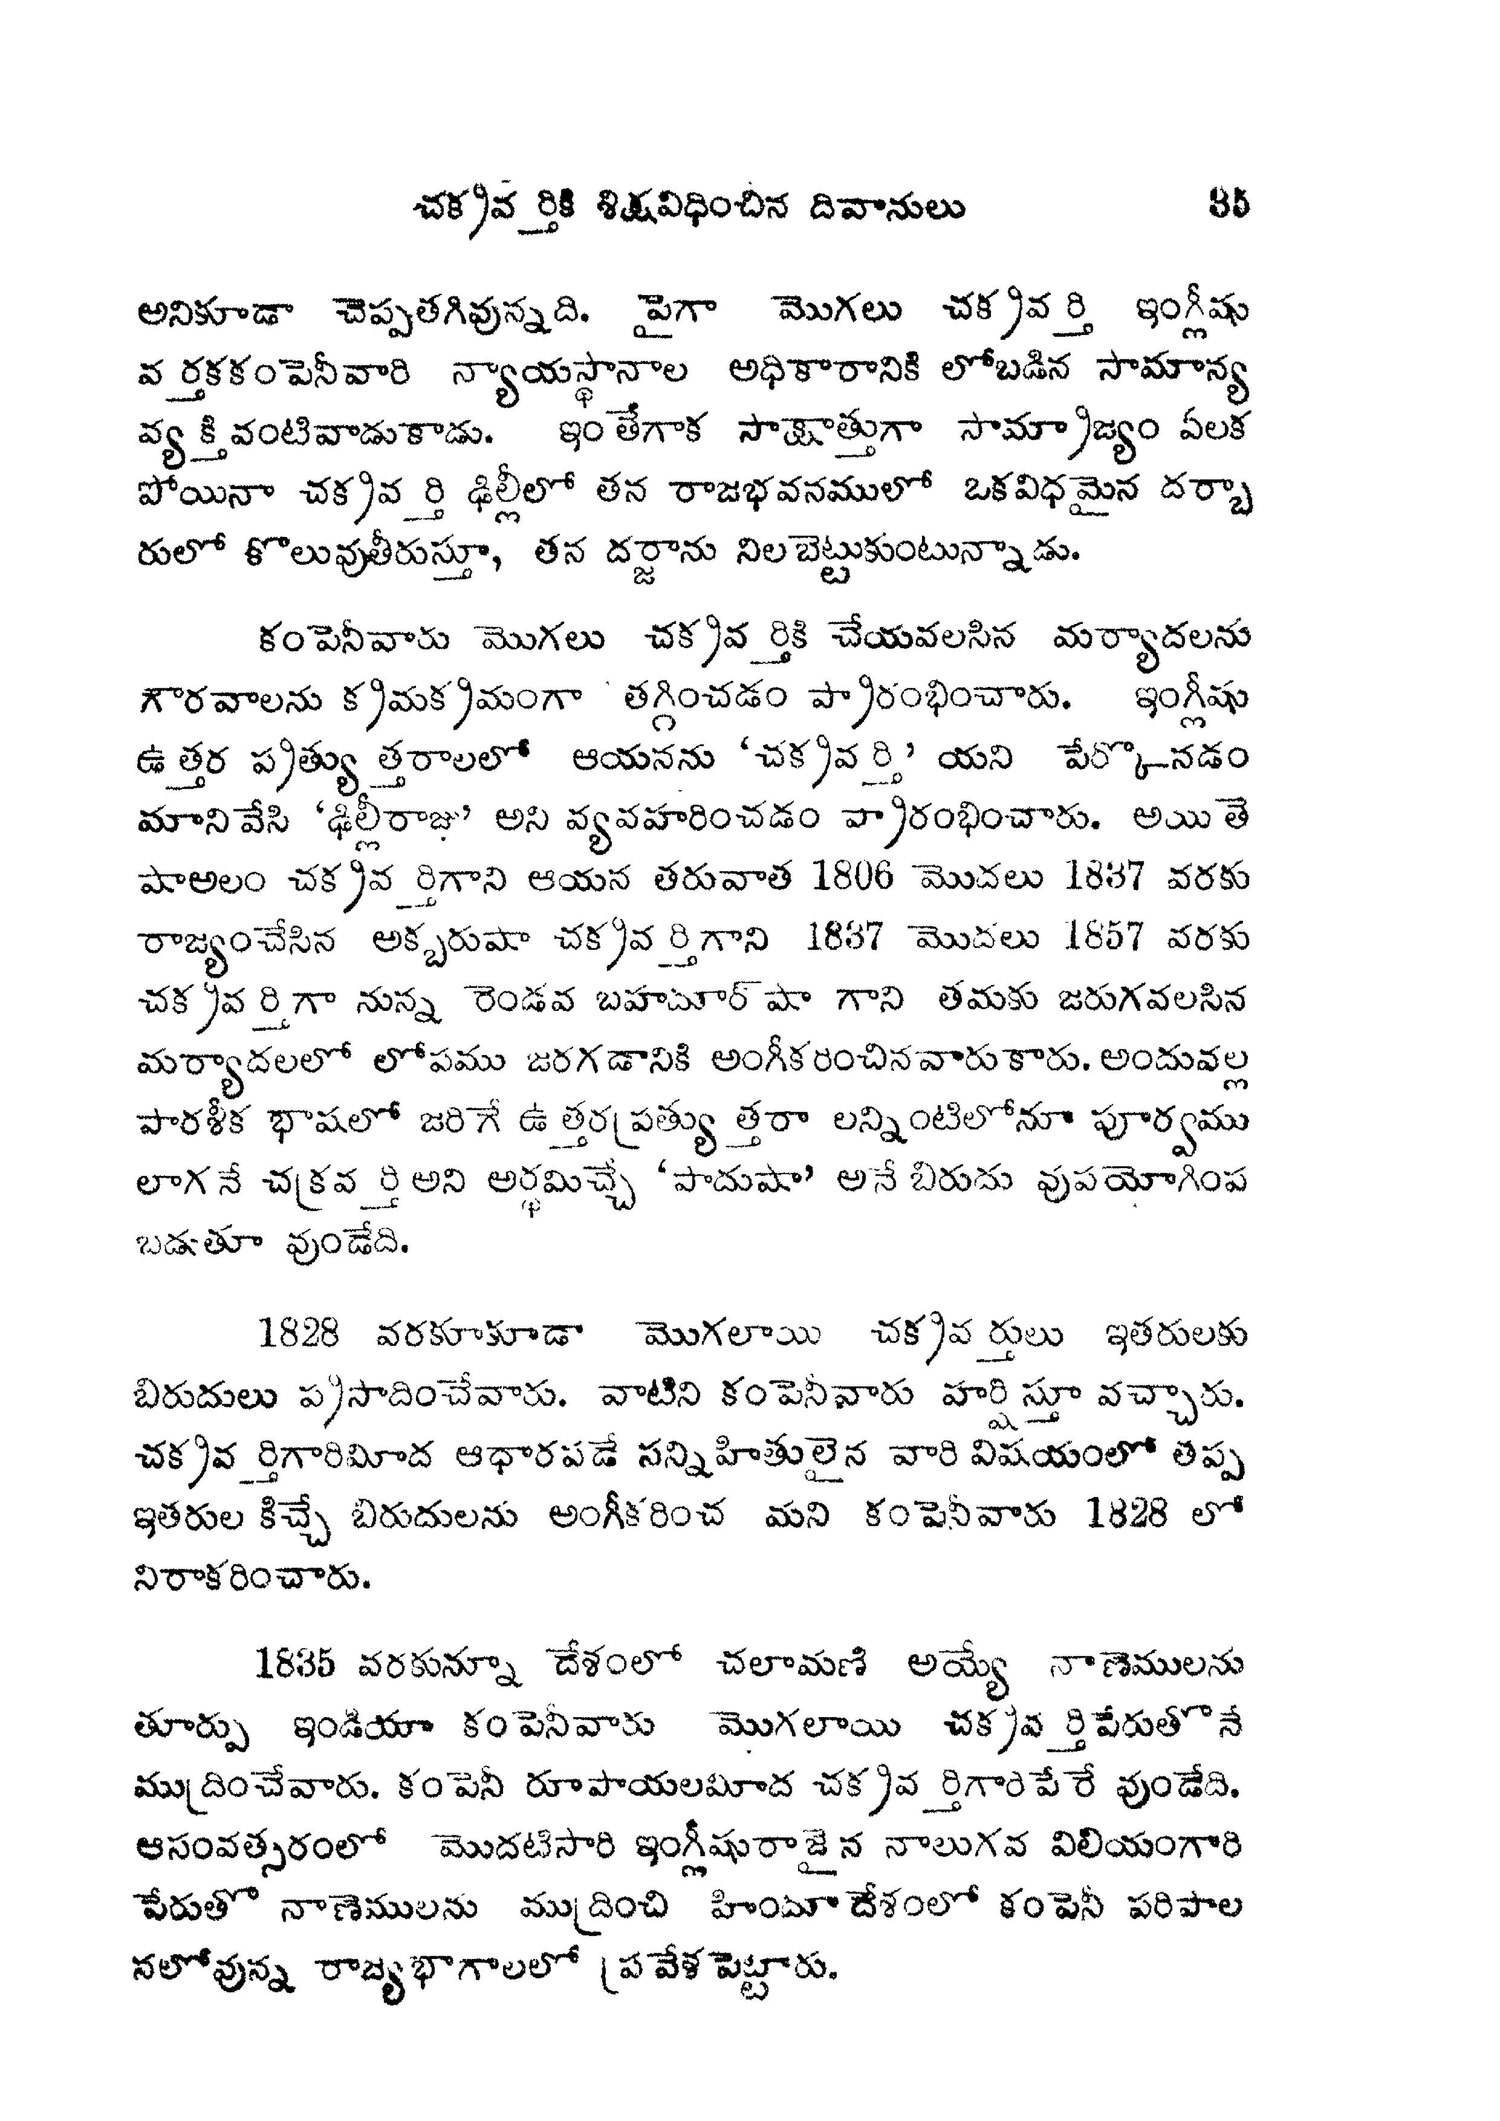అనికూడా చెప్పతగివున్నది. పైగా మొగలు చక్రవర్తి ఇంగ్లీషు వర్తకకంపెనీవారి న్యాయస్థానాల అధికారానికి లోబడిన సామాన్యవ్యక్తివంటివాడుకాడు. ఇంతేగాక సాక్షాత్తూ సామ్రాజ్యం ఏలకపోయినా చక్రవర్తి ఢిల్లీలో తన రాజభవనములో ఒకవిధమైన దర్భారులో కొలువుతీరుస్తూ, తన దర్జాను నిలబెట్టుకుంటున్నాడు.

కంపెనీవారు మొగలు చక్రవర్తికి చేయవలసిన మర్యాదలను గౌరవాలను క్రమక్రమంగా తగ్గించడం ప్రారంభించారు. ఇంగ్లీషు ఉత్తర ప్రత్యుత్తరాలలో ఆయనను 'చక్రవర్తి ' యని పేర్కొనడం మానివేసి 'ఢిల్లీరాజు ' అని వ్యవహరించడం ప్రారంభించారు. అయితే షాఆలం చక్రవర్తిగాని ఆయన తరువాత 1806 మొదలు 1837 వరకు రాజ్యంచేసిన అక్బరుషా చక్రవర్తిగాని 1837 మొదలు 1857 వరకు చక్రవర్తిగా నున్న రెండవ బహదూర్ షా గాని తమకు జరుగవలసిన మర్యాదలలో లోపము జరగడానికి అంగీకరించినవారుకారు. అందువల్ల పారశీక బాషలో జరిగే ఉత్తరప్రత్యుత్తరా లన్నింటిలోనూ పూర్వము లాగనే చక్రవర్తి అని అర్ధమువచ్చే 'పాదుషా ' అనే బిరుదు వుపయోగింపబడుతూ వుండేది.

1828 వరకూకూడా మొగలాయి చక్రవర్తులు ఇతరులకు బిరుదులు ప్రసాదించేవారు. వాటిని కంపెనీవారు హర్షిస్తూ వచ్చారు. చక్రవర్తిగారిమీద ఆధారపడే సన్నిహితులైన వారి విషయంలో తప్ప ఇతరుల కిచ్చే బిరుదులను అంగీకరించ మని కంపెనీవారు 1828 లో నిరాకరించారు.

1835 వరకున్నూ దేశంలో చలామణి అయ్యే నాణెములను తూర్పు ఇండియా కంపెనీవారు మొగలాయి చక్రవర్తిపేరుతోనే ముద్రించేవారు. కంపెనీ రూపాయలమీద చక్రవర్తిగారిపేరే వుండేది. ఆ సంవత్సరంలో మొదటిసారి ఇంగ్లీషురాజైన నాలుగవ విలియంగారి పేరుతో నాణెములను ముద్రించి హిందూ దేశంలో కంపెనీ పరిపాలనలోవున్న రాజ్యభాగాలలో ప్రవేశపెట్టారు.